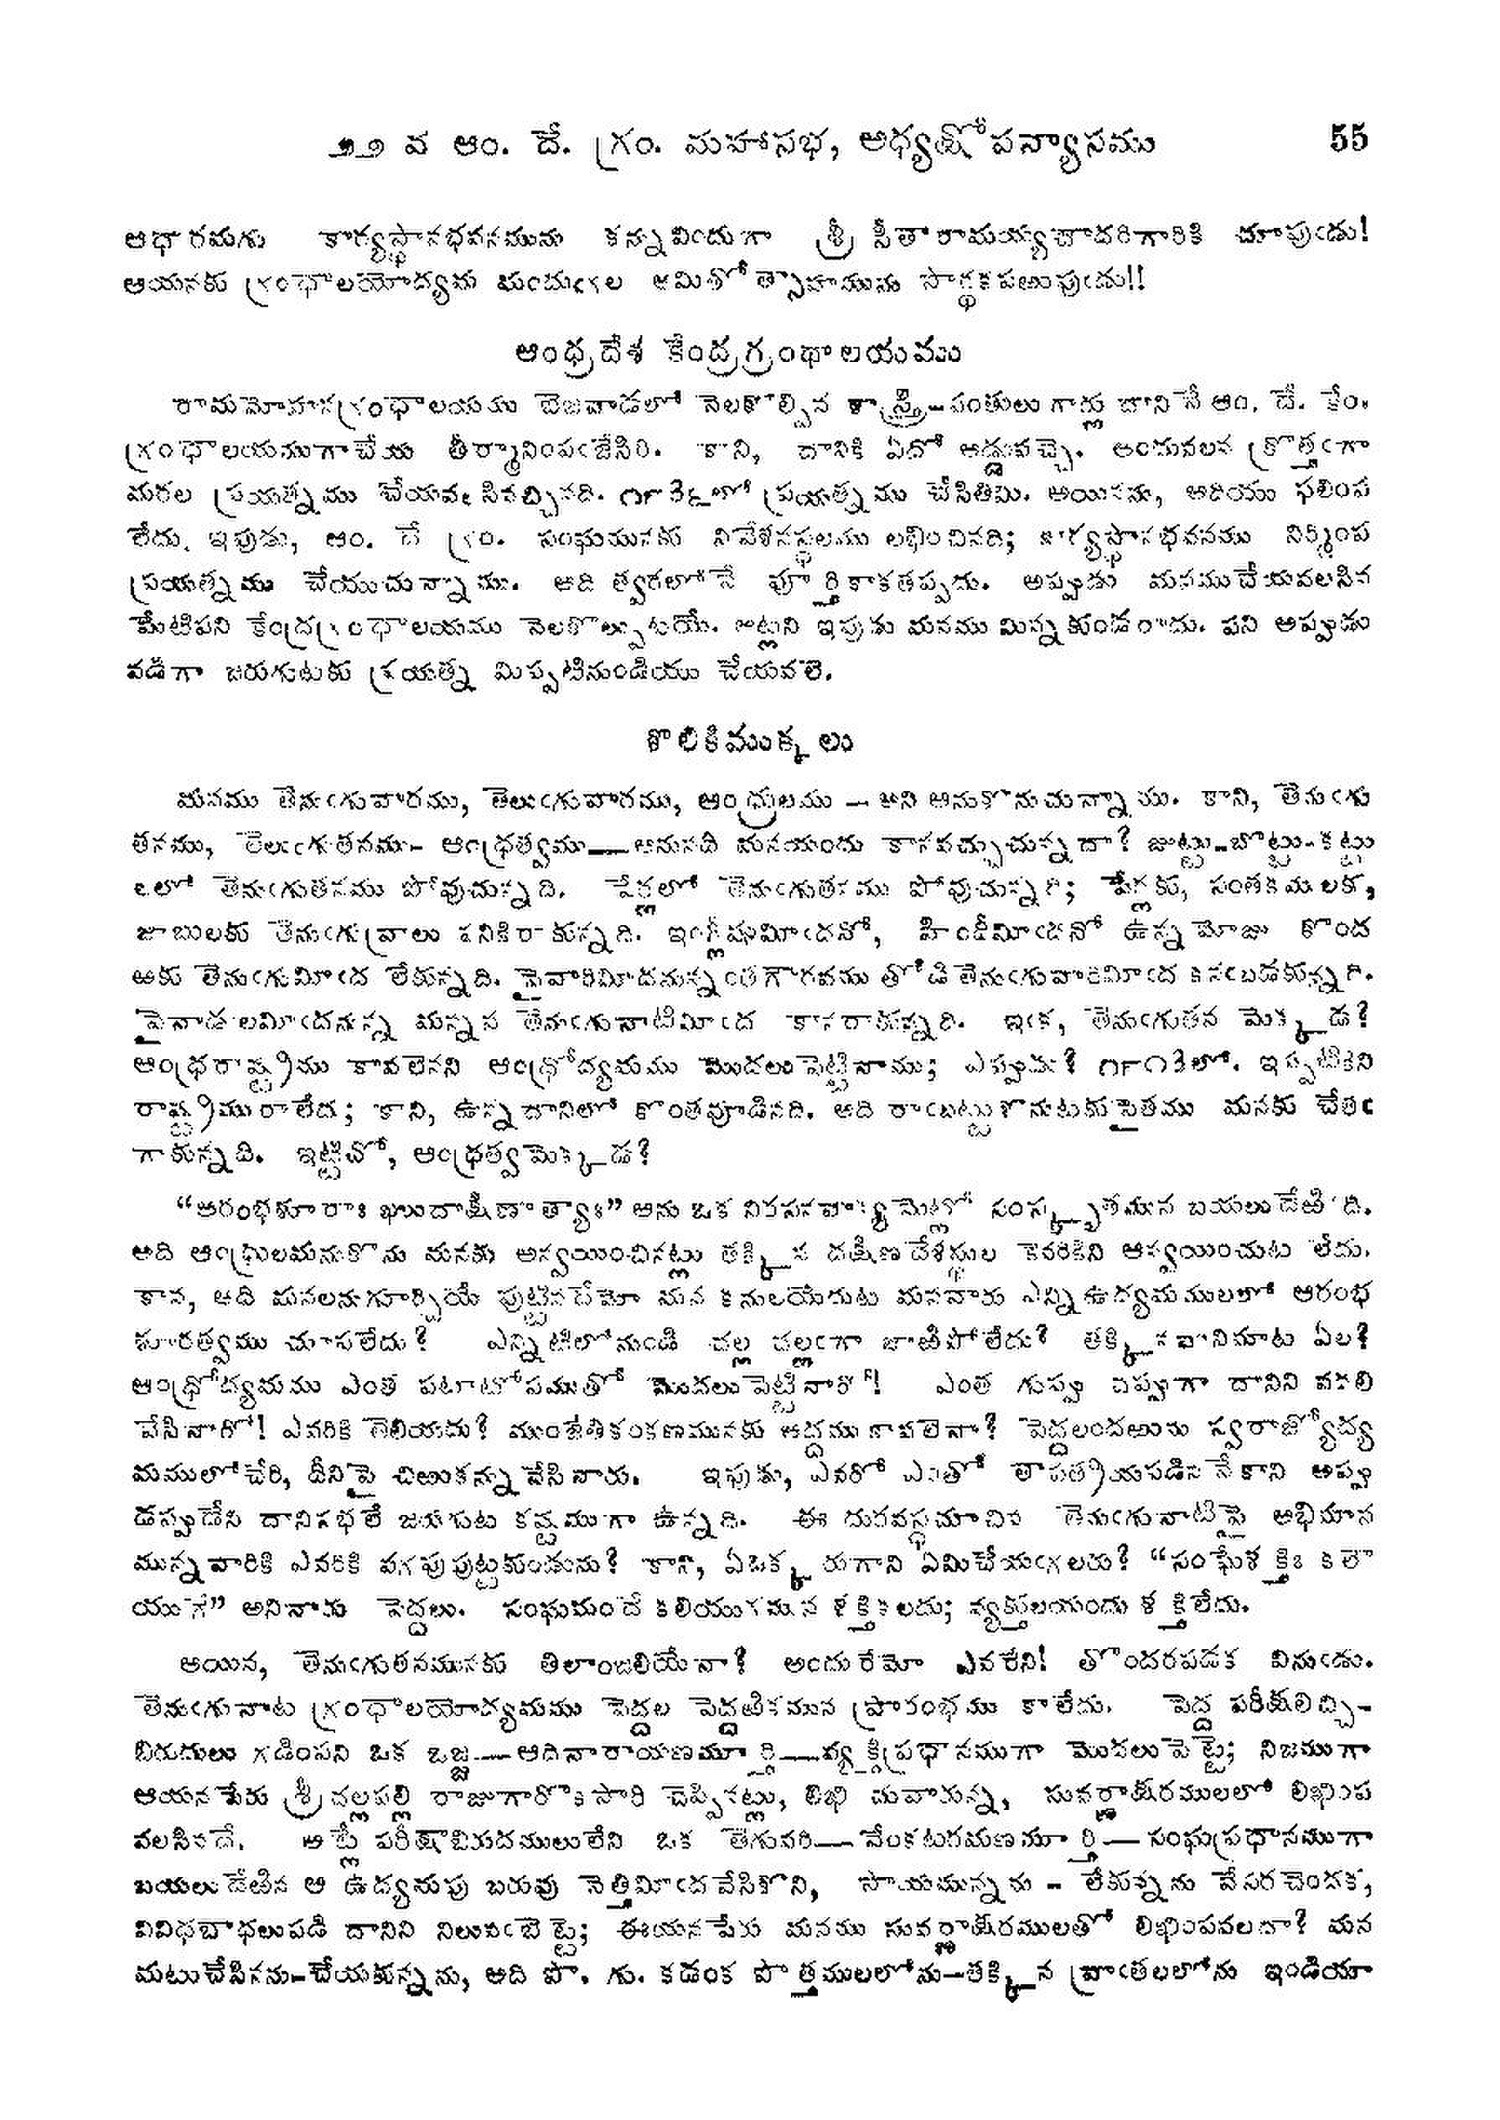ఆధారమగు కార్యస్థానభవనమును కన్నువిందుగా శ్రీ సీతారామయ్యచౌదరిగారికి చూపుఁడు! ఆయనకు గ్రంథాలయోద్యమ 
మందుఁగల అమితోత్సాహమును సార్థకపఱుపుఁడు!!

రామమోహనగ్రంధాలయము బెజవాడలో నెలకొల్పిన శాస్త్రి-పంతులు గార్లు దాని నే ఆం.దే.కేం.గ్రంథాలయముగాచేయ 
తీర్మానింపఁజేసిరి. కాని, దానికి ఏదో అడ్డువచ్చె. అందువలన క్రొత్తఁగా మరల ప్రయత్నము చేయవలసివచ్చినది. 
౧౯౩౬ లో ప్రయత్నము చేసితిమి. అయినను, అదియు ఫలింప లేదు. ఇపుడు, అం.దే.గ్రం. సంఘమునకు
నివేళసస్థలము లభించినది; కార్యస్థానభవనము నిర్మింప ప్రయత్నము చేయుచున్నాను. ఆది త్వరలోనే పూర్తికాకతప్పదు.
అప్పుడు మనము చేయవలసిన మేటిపని కేంద్ర గ్రంధాలయము నెలకొల్పుటయే. అట్లని ఇప్పుడు మనము మిన్నకుండరాదు. 
పని అప్పుడు వడిగా జరుగుటకు ప్రయత్న మిప్పటినుండియు చేయవలె.

మనము తెనుఁగువారము, తెలుఁగువారము, ఆంధ్రులము-ఆని ఆనుకొనుచున్నాము. కాని, తెనుఁగుతనము, "తెలఁఁగతనము - ఆంధ్రత్వము-అనునది మనయందు కానవచ్చుచున్నదా? జుట్టు-బొట్టు-కట్టు లలో తెనుఁగుతనము పోవుచున్నది. పేర్లలో 
తెనుఁగుతనము పోవుచున్నది; పేర్లకు, సంతకములక, జాబులకు తెనుఁగువ్రాలు పనికిరాకున్నది. ఇంగ్లీషుమీఁదనో, 
హింది మీద ఉన్న మోజు కొందఱకు తెనుఁగుమీఁద లేకున్నది. పైవారిమీదనున్నంత గౌరవము తోడి తెనుఁగు వారిమీద 
కనఁబడకున్నది. పైనాడులమీఁదనున్న మన్నన తెనుఁగునాటిమీఁద కానరాకున్నది. ఇక తెనుఁగుతన మెక్కడ? 
ఆంధ్రరాష్ట్రము కావలెనని ఆంధ్రోద్యమము మొదలు పెట్టినాము; ఎప్పుడు? ౧౯౧౩ లో. ఇప్పటికిని రాష్ట్రము రాలేదు; 
కాని, ఉన్న దానిలో కొంతవూడినది. అది రాఁబట్టు కొనుటకుసైతము మనకు చేతఁగాకున్నది. ఇట్టివో, ఆంధ్రత్వమెక్కడ?

“ఆరంభశూరాః ఖులుదాక్షిణాత్యా" అను ఒక నిరసనవాక్యమెట్లో సంస్కృతమున బయలుదేఱింది. అది ఆంధ్రులమనుకొను 
మనకు అస్వయించినట్లు తక్కిన దక్షిణదేశస్థుల కెవరికిని ఆహ్వాయించుట లేదు. కాన, అది మనలను గూర్చియే పుట్టినదెమో 
మన కనులయేదుట మసనారు ఎన్ని ఉద్యమములలో ఆరంభ శూరత్వము చూపలేదు?' ఎన్నిటిలోనుండి చల్ల చల్లఁగా 
జారిపోలేదు? తక్కినవానిమాట ఏల? ఆంధ్రోద్యమము ఎంతపటాటోపముతో మొదలు పెట్టినారో! ఎంత గుప్పు చెప్పగా 
దానిని వదలి వేసినరో? ఎవరికి తెలియదు? ముంజేతి కంకణమునకు అద్దము కావలెనా? పెద్దలందఱురు 
స్వరాజ్యోద్యమములో చేరి, దీనిపై చిఱుకన్ను వేసినారు. ఇప్పుడు, ఎవరో ఎంతో తాపత్రయపడినేకాని అప్పుడప్పుడేసి 
దానిసభలే జరుగుట కష్టముగా ఉన్నది. ఈ దురవస్థచూచిన తెనుఁగువాటిపై అభిమానమున్న వారికి ఎవరికీ పగపు 
పుట్టకుండును? కానీ, ఏ ఒక్కరుగాని ఏమిచేయఁగలరు? “సంఘేశక్తిః కలౌయుగే" అనినారు పెద్దలు. సంఘముందే 
కలియుగమున శక్తికలదు; వ్యక్తులయందు శక్తి లేదు. 

అయిన, తెనుఁగుతనమునకు తిలాంజలియేనా? అందురేమో ఎవరేని! తొందరపడక వినుఁడు. తెనుఁగునాట 
గ్రంధాలయోద్యమము పెద్దల పెద్దఱికమున ప్రారంభము కాలేదు. పెద్ద పరీక్షలిచ్చి-బిరుదులు గడింపని ఒక ఒజ్జ-
ఆదినారాయణమూర్తి వ్యక్తి ప్రధానముగా మొదలుపెట్టె; నిజముగా ఆయన మేరు శ్రీ చల్లపల్లి రాజుగారొక సారి చెప్పినట్లు, 
లిఖి చువారున్న, సువర్ణాక్షరములలో లిఖింపవలసిందే. అట్లే పరీక్షాబిరుదములు లేని ఒక తెగువరి-వేంకటరమణ 
మూర్తి-సంఘప్రధానముగా బయలు చేసిన ఆ ఉద్యమపు బరువు నెత్తిమీఁద వేసికొని, సాయమున్నరు. లేకున్నను 
వేసర చెందక, వివిధబాధలుపడి దానిని నిలువఁబెట్టె; ఈయన పేరు మనము సువర్ణాక్షరములతో లిఖింపవలదా? మన
మటు చేసినను-చేయకున్నను, అది పొ.గు. కడంక పొత్తములలోను-తక్కిన వ్రాఁతలలోను ఇండియా